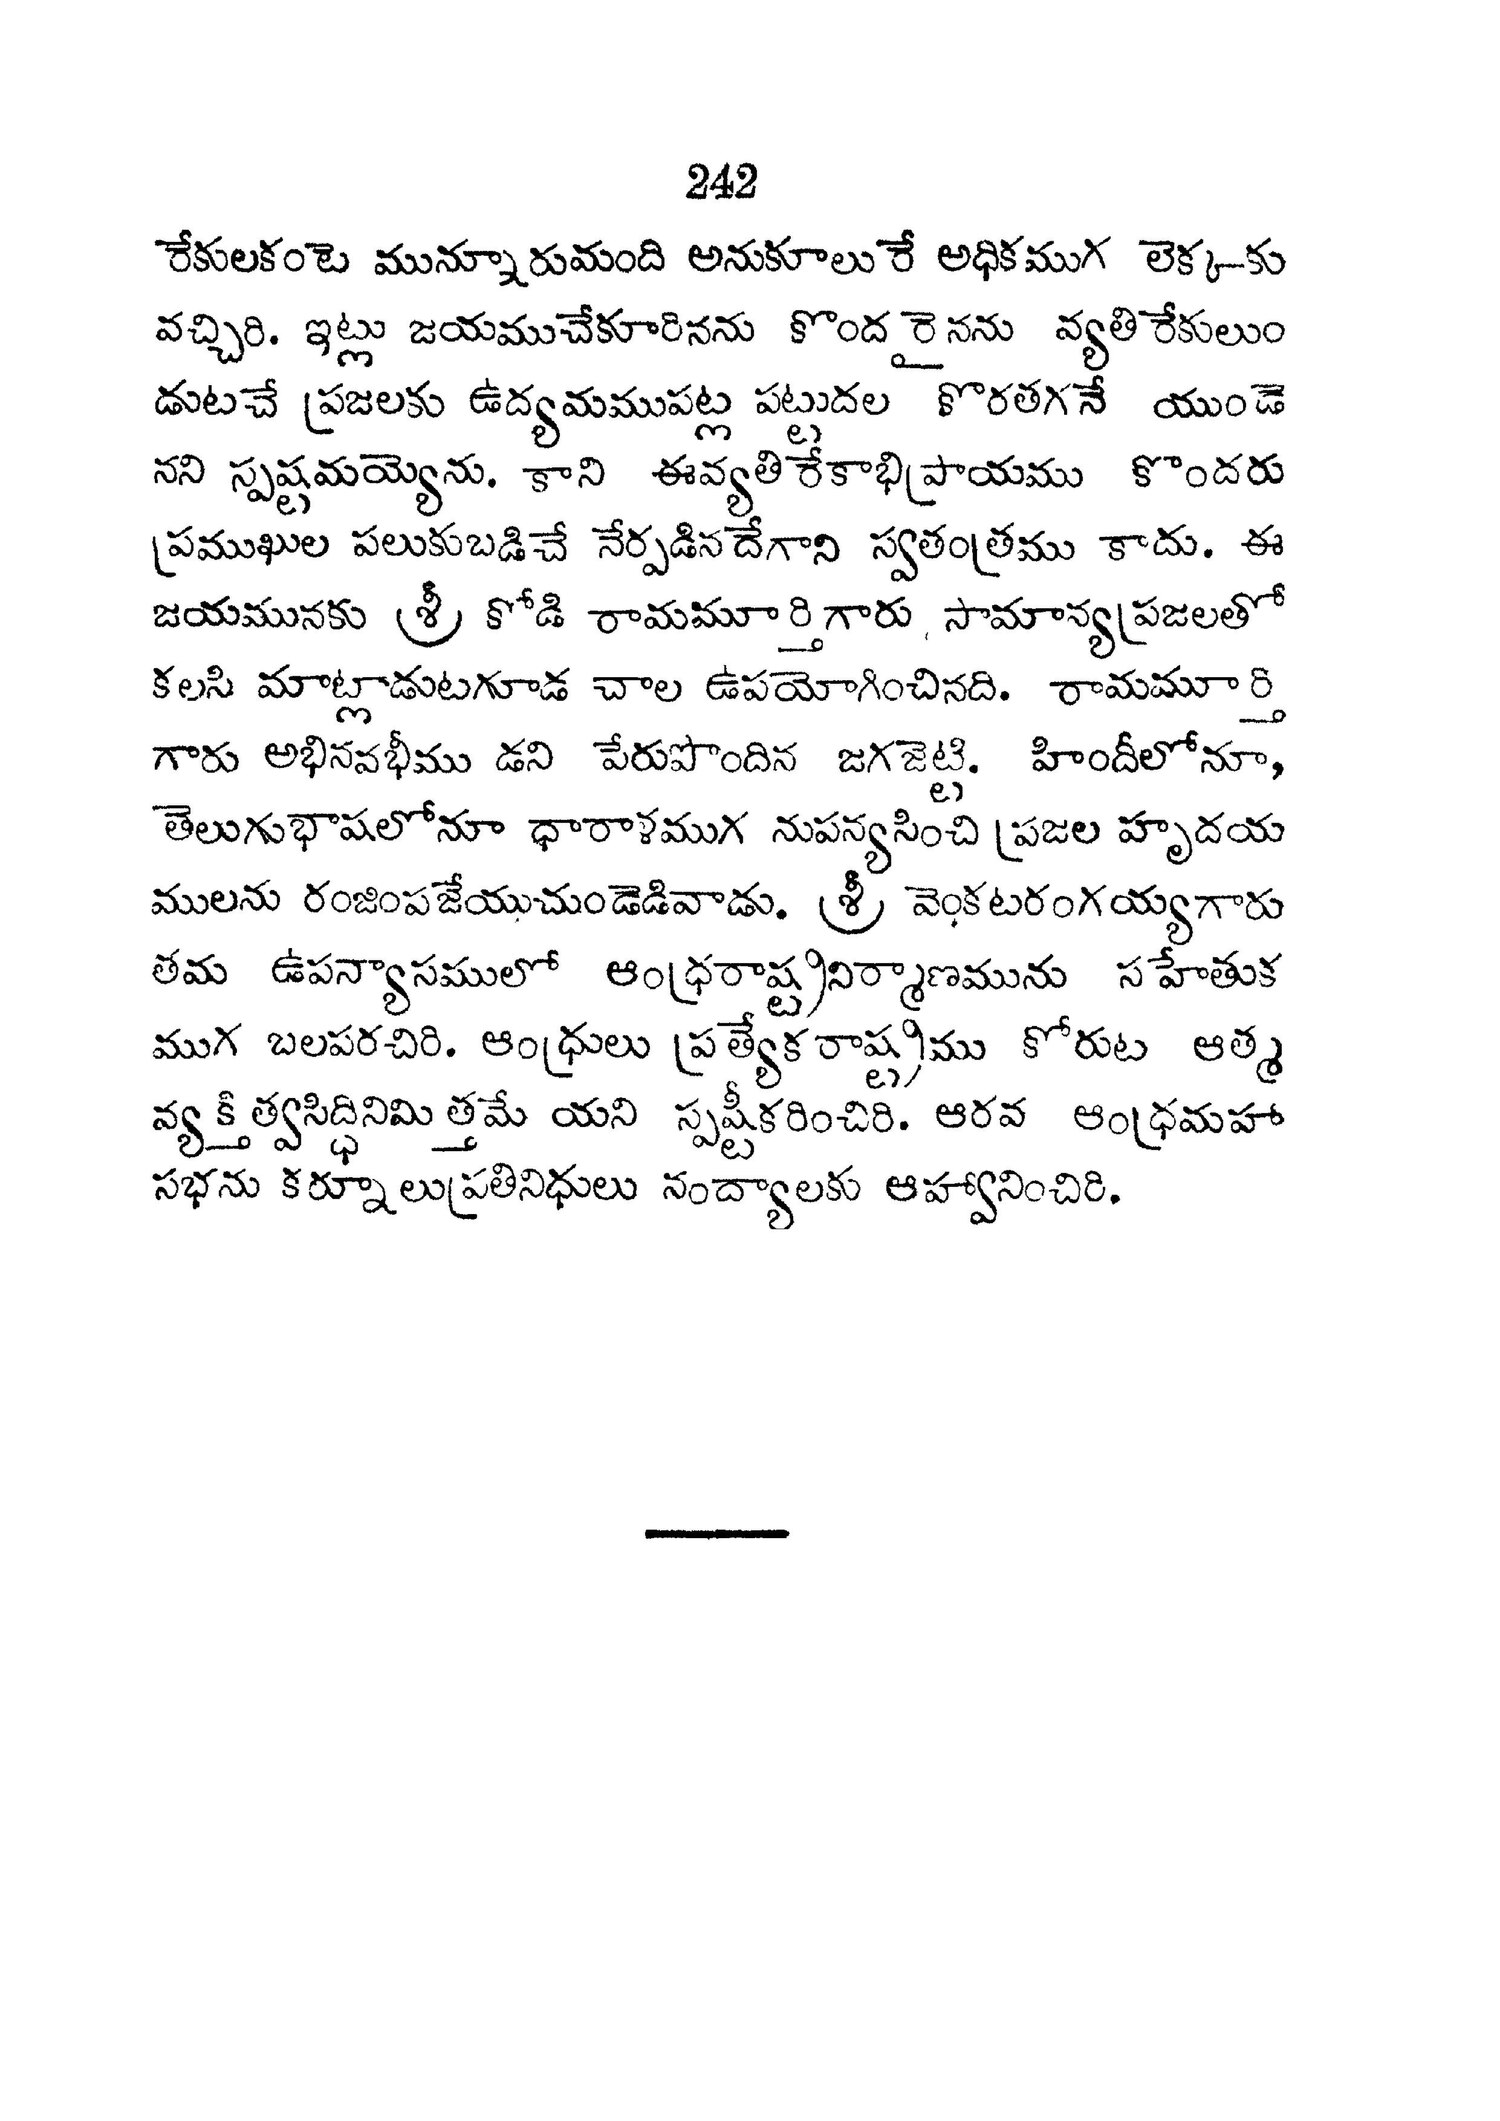రేకులకంటె మున్నూరుమంది అనుకూలురే అధికముగ లెక్కకు వచ్చిరి. ఇట్లు జయముచేకూరినను కొందరైనను వ్యతిరేకులుండుటచే ప్రజలకు ఉద్యమముపట్ల పట్టుదల కొరతగనే యుండెనని స్పష్టమయ్యెను. కాని ఈవ్యతిరేకాభిప్రాయము కొందరు ప్రముఖుల పలుకుబడిచే నేర్పడినదేగాని స్వతంత్రము కాదు. ఈ జయమునకు శ్రీ కోడి రామమూర్తిగారు సామాన్యప్రజలతో కలసి మాట్లాడుటగూడ చాల ఉపయోగించినది. రామమూర్తి గారు అభినవభీము డని పేరుపొందిన జగజెట్టి. హిందీలోనూ, తెలుగుభాషలోనూ ధారాళముగ నుపన్యసించి ప్రజల హృదయములను రంజింపజేయుచుండెడివాడు. శ్రీ వెంకటరంగయ్యగారు తమ ఉపన్యాసములో ఆంధ్రరాష్ట్రనిర్మాణమును సహేతుకముగ బలపరచిరి. ఆంధ్రులు ప్రత్యేకరాష్ట్రము కోరుట ఆత్మవ్యక్తిత్వసిద్ధినిమిత్తమే యని స్పష్టీకరించిరి. ఆరవ ఆంధ్రమహాసభను కర్నూలుప్రతినిధులు నంద్యాలకు ఆహ్వానించిరి.